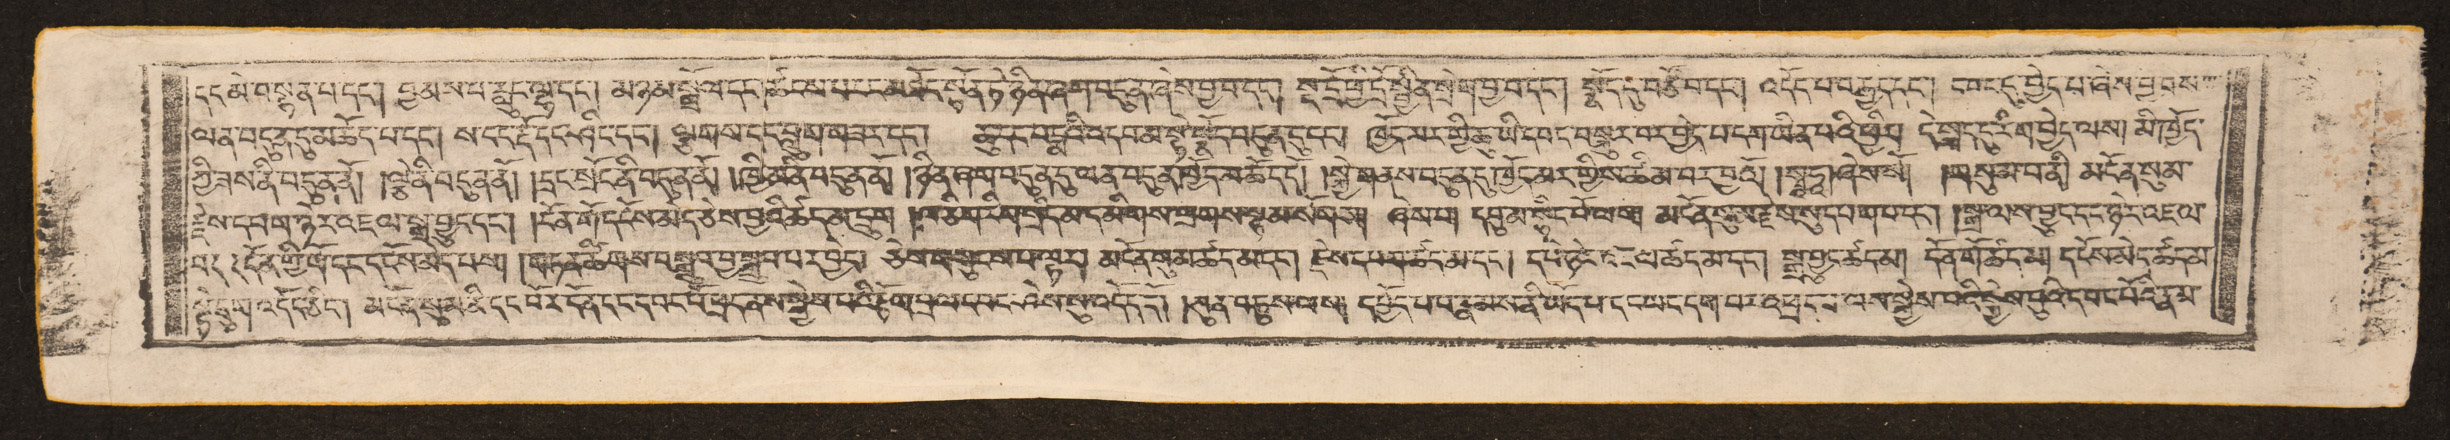དང་མི་བསྟན་པ་དང་། བྱམས་པ་རླུང་ལྷ་དང་། མཉམ་སྒྲོལ་དང་། ཚངས་པ་དང་མཐོང་སྟོན་ཏེ་ཉིན་ཞག་བདུན་ཞེས་བྱ་བ་དང་། སྔ་དྲོ་ཕྱི་དྲོ་སྦྱིན་སྲེག་བྱ་བ་དང་། སྣོད་དུ་བཙོ་བ་དང་། འདོད་པ་བརྒྱད་དང་། དབང་དུ་བྱེད་པ་ཞེས་བྱ་བས་
ལན་བདུན་དུ་མཆོད་པ་དང་། ས་དང་རྡོ་དང་ཤིང་དང་། ལྕགས་དང་བླུག་གཟར་དང་། ཆུ་དང་པདམའི་འདབ་མ་སྟེ་སྣོད་བདུན་དུ་དང་། ཁྱོད་མར་གྱི་ཆུ་ཡི་དབང་བསྐུར་བར་བྱེད་པ་དག་ཡིན་པའི་ཕྱིར། དེ་སྐད་དུ་རིག་བྱེད་ལས། མི་ཁྱོད་
ཀྱི་ཟས་ནི་བདུན་ནོ། །ལྕེ་ནི་བདུན་ནོ། །དྲང་སྲོང་ནི་བདུན་ནོ། །ཁྱིམ་ནི་བདུན་ནོ། །ཉིན་ཞག་བདུན་དུ་ལན་བདུན་ཁྱོད་མཆོད་དོ། །སྐྱེ་གནས་བདུན་དུ་ཁྱོད་མར་གྱིས་ཚིམ་པར་བྱའོ། །སྭཱཧཱ། ཞེས་སོ། །གསུམ་པ་ནི། མངོན་སུམ་
རྗེས་དཔག་ཉེར་འཇལ་སྒྲ་བྱུང་དང་། །དོན་གོ་དངོས་མེད་ཅེས་བྱའི་ཚད་མ་དྲུག །ཁ་ཅིག་རིག་སྲིད་མ་དམིགས་གྲགས་སྙམ་སོགས། ཞེས་པ། དབུ་མ་སྟིང་པོ་ལས། མངོན་སུམ་རྗེས་སུ་དཔག་པ་དང་། །སྒྲ་ལས་བྱུང་དང་ཉེར་འཇལ་
བ༑ ༑དོན་གྱི་གོ་དང་དངོས་མེད་པས། །གཏན་ཚིགས་བསྒྲུབ་བྱ་སྒྲུབ་པར་བྱེད། ཅེས་གསུངས་པ་ལྟར། མངོན་སུམ་ཚད་མ་དང་། རྗེས་དཔག་ཚད་མ་དང་། དཔེ་ཉེར་འཇལ་ཚད་མ་དང་། སྒྲ་བྱུང་ཚད་མ། དོན་གོ་ཚད་མ་དངོས་མེད་ཚད་མ་
སྟེ་དྲུག་འདོད་ཅིང་། མངོན་སུམ་ནི་དང་པོར་དོན་དང་དབང་པོ་ཕྲད་ནས་སྐྱེས་པའི་རྟོག་བྲལ་དབང་ཤེས་སུ་འདོད་དོ། །ཀུན་བཏུས་ལས། དཔྱོད་པ་པ་རྣམས་ནི་ཡོད་པ་དང་ཡང་དག་པར་འཕྲད་པ་ལས་སྐྱེས་པའི་སྐྱེས་བུའི་དབང་པོའི་རྣམ་